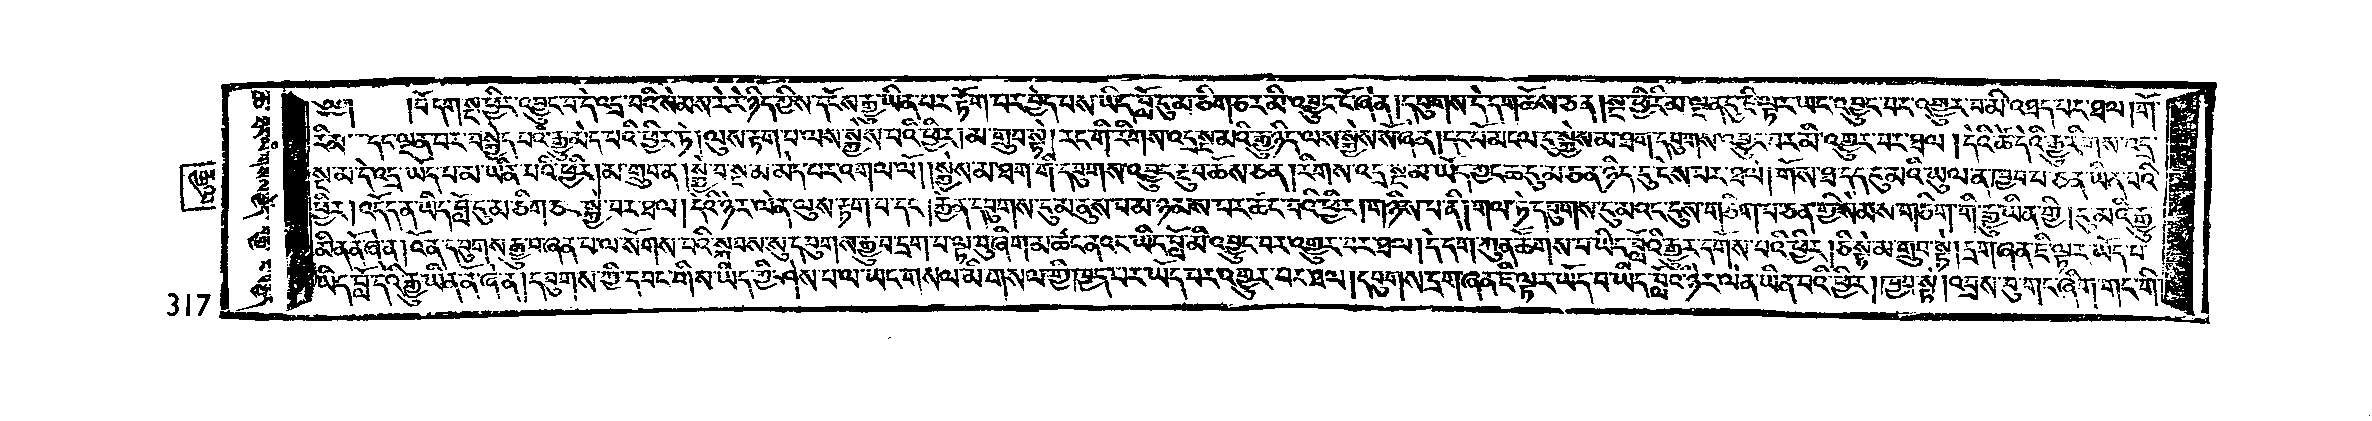༄༅། །པོ་དག་སྔ་ཕྱིར་འབྱུང་བ་དེ་འདྲ་བའི་སེམས་རེ་རེ་ཉིད་ཀྱིས་དངོས་རྒྱུ་ཡིན་པར་རྟོག་པར་བྱེད་པས་ཡིད་བློ་དུ་མ་ཅིག་ཅར་མི་འབྱུང་ངོ་ཞེ་ན། དབུགས་དེ་དག་ཆོས་ཅན། སྔ་ཕྱི་རིམ་ལྡན་དུ་ཇི་ལྟར་ཡང་འབྱུང་བར་འགྱུར་བ་མི་འཐད་པར་ཐལ། གོ་
རིམ་དང་ལྡན་པར་བསྐྱེད་པའི་རྒྱུ་མེད་པའི་ཕྱིར་ཏེ། ལུས་རྟག་པ་ལས་སྐྱེས་པའི་ཕྱིར། མ་གྲུབ་སྟེ། རང་གི་རིགས་འདྲ་སྔ་མའི་རྒྱུ་ཉིད་ལས་སྐྱེས་སོ་ཞེ་ན། དང་པོ་མངལ་དུ་སྐྱེས་མ་ཐག་དཔུགས་འབྱུང་བར་མི་འགྱུར་བར་ཐལ། དེའི་ཚེ་དེའི་རྒྱུ་རིགས་འདྲ་
སྔ་མ་དེ་འདྲ་ཡོད་པ་མ་ཡིན་པའི་ཕྱིར། མ་གྲུབ་ན། སྐྱེ་བ་སྔ་མ་མེད་པར་འགལ་ལོ། །སྐྱེས་མ་ཐག་གི་དབུགས་འབྱུང་རྡུབ་ཆོས་ཅན། རིགས་འདྲ་སྔ་མ་ཡོད་ཀྱང་ཆ་དུ་མ་ཅན་ཉིད་དུ་ངེས་པར་ཐལ། གོས་ཐ་དད་དུ་མའི་ཡུལ་ན་ཁྱབ་པ་ཅན་ཡིན་པའི་
ཕྱིར། འདོད་ན་ཡིད་བློ་དུ་མ་ཅིག་ཅང་སྐྱེ་བར་ཐལ། དེའི་ཉེར་ལེན་ལུས་རྟག་པ་དང་། རྐྱེན་དབུགས་དུ་མ་ནུས་པ་མ་ཉམས་པར་ཚང་བའི་ཕྱིར། གཉིས་པ་ནི། གལ་ཏེ་དབུགས་དུ་མའང་དུས་གཅིག་པ་ཅན་གྱི་སེམས་གཅིག་གི་རྒྱུ་ཡིན་གྱི། དུ་མའི་རྒྱུ་
མིན་ནོ་ཞེ་ན། འོ་ན་དབུགས་རྒྱུ་བ་ཞན་པ་ལ་སོགས་པའི་སྐབས་སུ་དབུགས་རྒྱུ་བ་དྲག་པ་ལྟ་བུ་ཞིག་མ་ཚང་ནའང་ཡིད་བློ་མི་འབྱུང་བར་འགྱུར་བར་ཐལ། དེ་དག་ཀུན་ཚོགས་པ་ཡིད་བློའི་རྒྱུར་དགོས་པའི་ཕྱིར། ཅི་སྟེ་མ་གྲུབ་སྟེ། དྲག་ཞན་ཇི་ལྟར་ཡོད་པ་
ཡིད་བློ་དེའི་རྒྱུ་ཡིན་ནོ་ཞེ་ན། དབུགས་ཀྱི་དབང་གིས་ཡིད་ཀྱི་ཤེས་པ་ལ་ཡང་གསལ་མི་གསལ་གྱི་ཁྱད་པར་ཡོད་པར་འགྱུར་བར་ཐལ། དབུགས་དྲག་ཞན་ཇི་ལྟར་ཡོད་པ་ཡིད་བློའི་ཉེར་ལེན་ཡིན་པའི་ཕྱིར། ཁྱབ་སྟེ། འབྲས་བུ་གང་ཞིག་གང་གི་